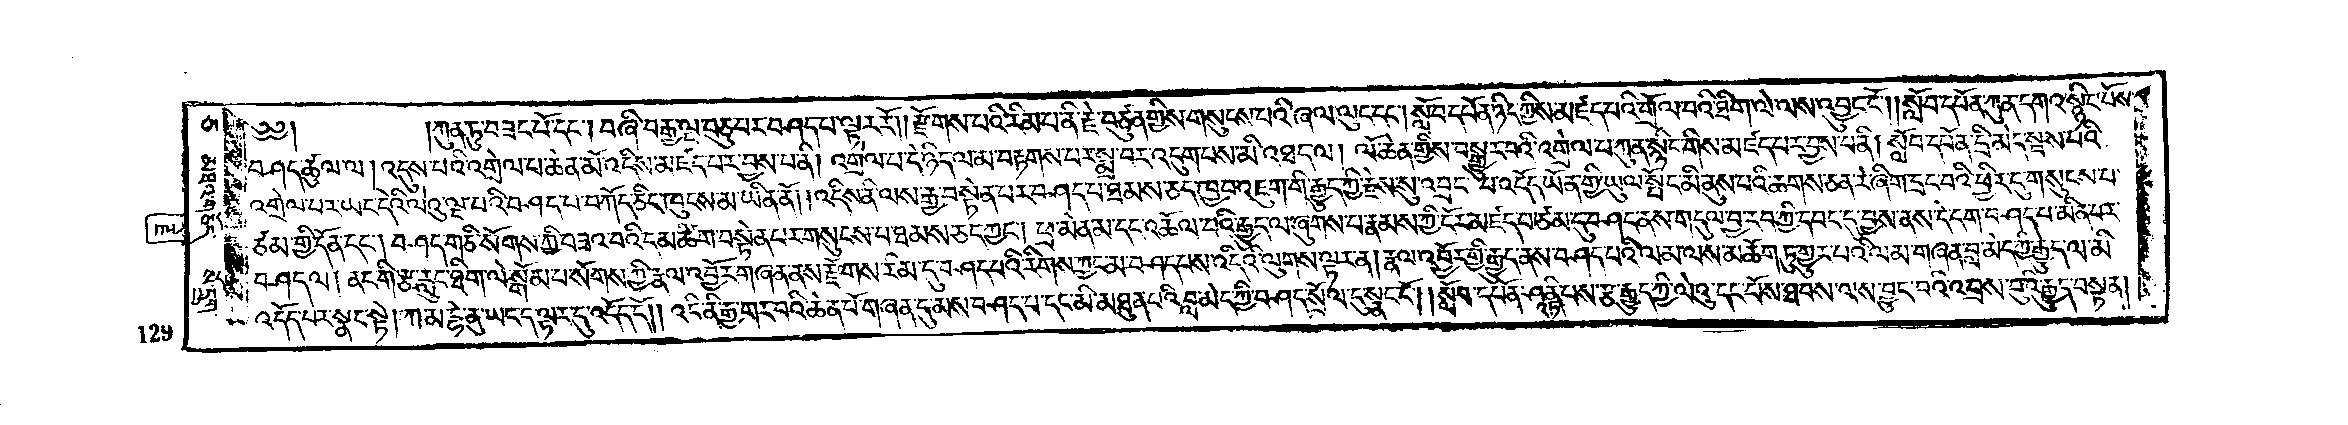༄༅། །ཀུན་ཏུ་བཟང་པོ་དང་། བཞི་བརྒྱ་ལྔ་བཅུ་པར་བཤད་པ་ལྟར་རོ། །རྫོགས་པའི་རིམ་པ་ནི་རྗེ་བཙུན་གྱིས་གསུངས་པའི་ཞལ་ལུང་དང་། སློབ་དཔོན་ཉིད་ཀྱིས་མཛད་པའི་གྲོལ་བའི་ཐིག་ལེ་ལས་འབྱུང་ངོ། །སློབ་དཔོན་ཀུན་དགའ་སྙིང་པོས་
བཤད་ཚུལ་ལ། འདུས་པའི་འགྲེལ་པ་ཆེན་མོ་འདིས་མཛད་པར་བྱས་པ་ནི། འགྲེལ་པ་དེ་ཉིད་ལ་མ་བརྟགས་པར་སྨྲ་བར་འདུག་པས་མི་འཐད་ལ། ལོ་ཆེན་གྱིས་བསྒྱུར་བའི་འགྲེལ་པ་ཀུན་སྙིང་གིས་མཛད་པར་བྱས་པ་ནི། སློབ་དཔོན་དྲི་མེད་སྦས་པའི་
འགྲེལ་པར་ཡང་དེའི་ལེའུ་ལྔ་པའི་བཤད་པ་བཀོད་ཅིང་ཁུངས་མ་ཡིན་ནོ། །འདིས་ནི་ལས་རྒྱ་བསྟེན་པར་བཤད་པ་ཐམས་ཅད་ཁྱབ་འཇུག་གི་རྒྱུད་ཀྱི་རྗེས་སུ་འབྲང་པ་འདོད་ཡོན་གྱི་ཡུལ་སྤོང་མི་ནུས་པའི་ཆགས་ཅན་རེ་ཞིག་དྲང་བའི་ཕྱིར་དུ་གསུངས་པ་
ཙམ་གྱི་དོན་དང་། བཤང་གཅི་སོགས་ཀྱི་བཟའ་བའི་དམ་ཚིག་བསྟེན་པར་གསུངས་པ་ཐམས་ཅད་ཀྱང་། ཕྲ་མེན་མ་དང་འཆོལ་པའི་རྒྱུད་ལ་ཞུགས་པ་རྣམས་ཀྱི་ངོར་མཛད་པ་ཙམ་དུ་བཤད་ནས་གདུལ་བྱ་རབ་ཀྱི་དབང་དུ་བྱས་ནས་དེ་དག་བཤད་པ་མིན་པར་
བཤད་ལ། ནང་གི་རྩ་རླུང་ཐིག་ལེ་སྒོམ་པ་སོགས་ཀྱི་རྣལ་འབྱོར་གཞན་ནས་རྫོགས་རིམ་དུ་བཤད་པའི་རིགས་ཀྱང་མ་བཤད་པས་འདིའི་ལུགས་ལྟར་ན། རྣལ་འབྱོར་གྱི་རྒྱུད་ནས་བཤད་པའི་ལམ་ལས་མཆོག་ཏུ་གྱུར་པའི་ལམ་གཞན་བླ་མེད་ཀྱི་རྒྱུད་ལ་མི་
འདོད་པར་སྣང་སྟེ། ཀ་མ་དྷེ་ནུ་ཡང་དེ་ལྟར་དུ་འདོད་དོ། །འདི་ནི་རྒྱ་གར་བའི་ཆེན་པོ་གཞན་དུ་མས་བཤད་པ་དང་མི་མཐུན་པའི་བླ་མེད་ཀྱི་བཤད་སྲོལ་དུ་སྣང་ངོ། །སློབ་དཔོན་ཤཱནྟི་པས་རྩ་རྒྱུད་ཀྱི་ལེའུ་དང་པོས་ཐབས་ལས་བྱུང་བའི་འབྲས་བུའི་རྒྱུད་བསྟན།